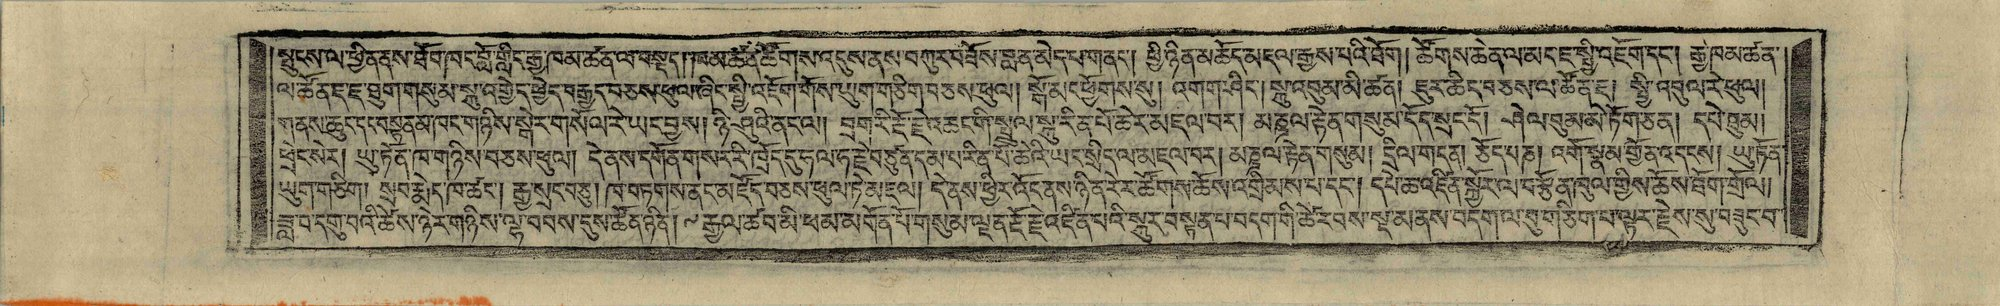སྤུངས་ལ་ཕྱིན་ནས་ཐོབ་ཁང་བློ་གླིང་རྒྱ་ཁམ་ཚན་ལ་བསྡད། ཁམ་ཚན་ཚོགས་འདུས་ནས་བཀུར་བཟོས་བླ་ན་མེད་པ་གནང་། ཕྱི་ཉིན་མཆོད་མཇལ་རྒྱས་པའི་ཐོག །ཚོགས་ཆེན་ལ་མང་ཇ་སྤྱི་འཇོག་དང་། རྒྱ་ཁམ་ཚན་
ལ་ཚོན་ཇ་ཇ་ཐུག་གསུམ་སྐུ་འགྱེད་ཕྱེད་བརྒྱད་བཅས་ཕུལ་ཞིང་སྤྱི་འཇོག་གོས་ཡུག་གཅིག་བཅས་ཕུལ། སྒོ་མང་ཕྱོགས་སུ། འགག་ཤིང་། སྐུ་འབུམ་མི་ཚན། ཇུར་ཆིད་བཅས་ལ་ཚོན་ཇ། སྤྱི་འབུལ་རེ་ཕུལ།
གནས་ཆུང་དང་བསྟན་མ་ཁང་གཉིས་སྒེར་གསོལ་རེ་ཡང་བྱས། ཉི་ཤུའི་ནང་ལ། བྲག་རི་རྡོ་རྗེ་འཆང་གི་སྤྲུལ་སྐུ་རིན་པོ་ཆེར་མཇལ་བར། མཎྜལ་རྟེན་གསུམ་དོད་སྲང་ངོ། ཤེལ་བུམ་མེ་ཏོག་ཅན། དཔེ་ཐུམ།
ཕྲེང་སེར། ཡུ་ཏོན་ཁ་གཉིས་བཅས་ཕུལ། དེ་ནས་དགོན་གསར་རི་ཁྲོད་དུ་ཧལ་ཧ་རྗེ་བཙུན་དམ་པ་རིན་པོ་ཆེའི་ཡང་སྲིད་ལ་མཇལ་བར། མཎྜལ་རྟེན་གསུམ། དྲིལ་གདན། ཅོད་པཎ། འགོ་སྣམ་གྱོན་འདངས། ཡུ་ཏོན་
ཡུག་གཅིག །སྲང་རྨེད་ཁ་ཚང་། རྒྱ་སྲང་བཅུ། ཁ་བཏགས་ནང་མཛོད་བཅས་ཕུལ་ཏེ་མཇལ། དེ་ནས་ཕྱིར་འོང་ནས་ཉིན་རེར་ཚོགས་ཆོས་འགྲིམས་པ་དང་། དཔེ་ཆ་འཛིན་སྐྱོར་ལ་བརྩོན་ཁུལ་གྱིས་ཆོས་ཐོག་གྲོལ།
ཟླ་བ་དགུ་པའི་ཚེས་ཉེར་གཉིས་ལྷ་བབས་དུས་ཚོན་ཉིན། ༧་རྒྱལ་ཚབ་མི་ཕམ་མགོན་པོ་གསུམ་ལྡན་རྡོ་རྗེ་འཛིན་པའི་སྐུར་བསྟན་པ་བདག་གི་ཚེ་རབས་སྔ་མ་ནས་བདག་ལ་བུ་གཅིག་པ་ལྟར་རྗེས་སུ་བཟུང་བ་